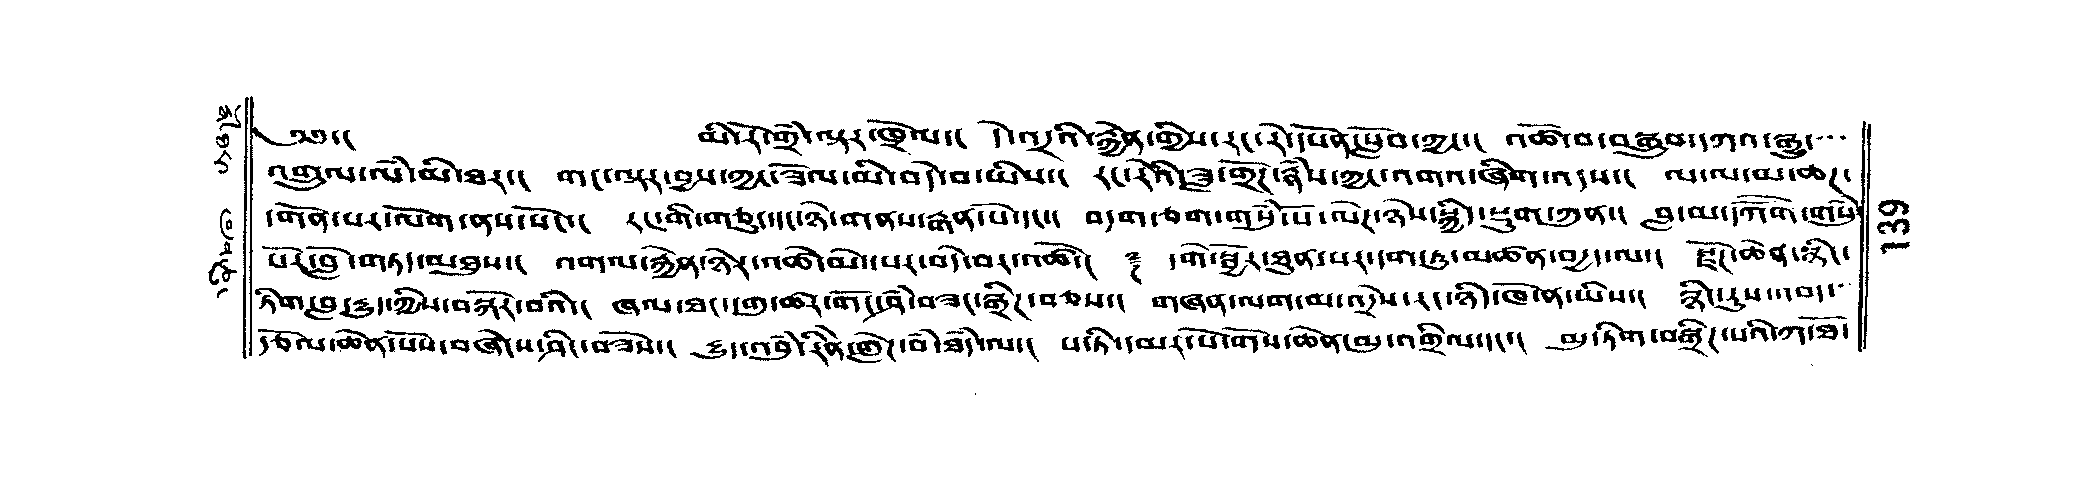མི་རོ་གྲམ་ལྟར་ཁྲོལ། །དེ་འདྲའི་རྐྱེན་གྱིས་རང་རེ་དཔོན་སློབ་ཀྱང་། །འཚོ་བ་བསྒྲུབ་དཀའ་སྒྱུ་
འགྲུལ་ལམ་མི་ཐར། །གང་ལྟར་བྱས་ཀྱང་ཟོལ་མི་བདེ་བ་ཡིས། །རང་རེའི་ཟླ་གྲོགས་རྣམས་ཀྱང་འགའ་ཞིག་འདས། །ལ་ལ་མ་ཆགས་
དགོན་པར་ལོག་ནས་སོང་། །རང་གི་གཅུང་དང་ཉེ་གནས་རྒན་པོ་དང་། །བདག་ཅག་གསུམ་པོ་ལེགས་ཉེས་སྐྱིད་སྡུག་ཀུན། །བླ་མ་དཀོན་མཆོག་གསུམ་
པོར་བློ་གཏད་མཐུས། །འགལ་རྐྱེན་ཉེར་འཚེ་མེད་པར་བདེ་བར་འཚོ། །དགེ་སྦྱོར་ཐུན་བར་དག་ཏུ་མཚན་བརྒྱད་ལ། །རྫོགས་ཆེན་སྙིང་
ཐིག་བླ་རྒྱུད་ཀྱིས་བསྐོར་བའི། །ཞལ་ཐང་དགུ་ཚར་གོང་ཤམ་བཟང་སྒྲིགས་བཅས། །གཞན་ལག་མ་འདྲེས་རང་ཉིད་ཁོ་ན་ཡིས། །སྙིང་རུས་འབད་
རྩོལ་ཆེན་པོས་བཞེངས་ཤིང་བཟོས། །རྒྱུད་འབུམ་རིན་ཆེན་གླེགས་བམ་ཐམས་ཅད་ལ། །པ་ཏི་དམར་པོ་གོས་ཆེན་མུ་འགྲིལ་དང་། །མུ་ཏིག་བསྒྲེགས་པའི་ཀ་ཐོ་